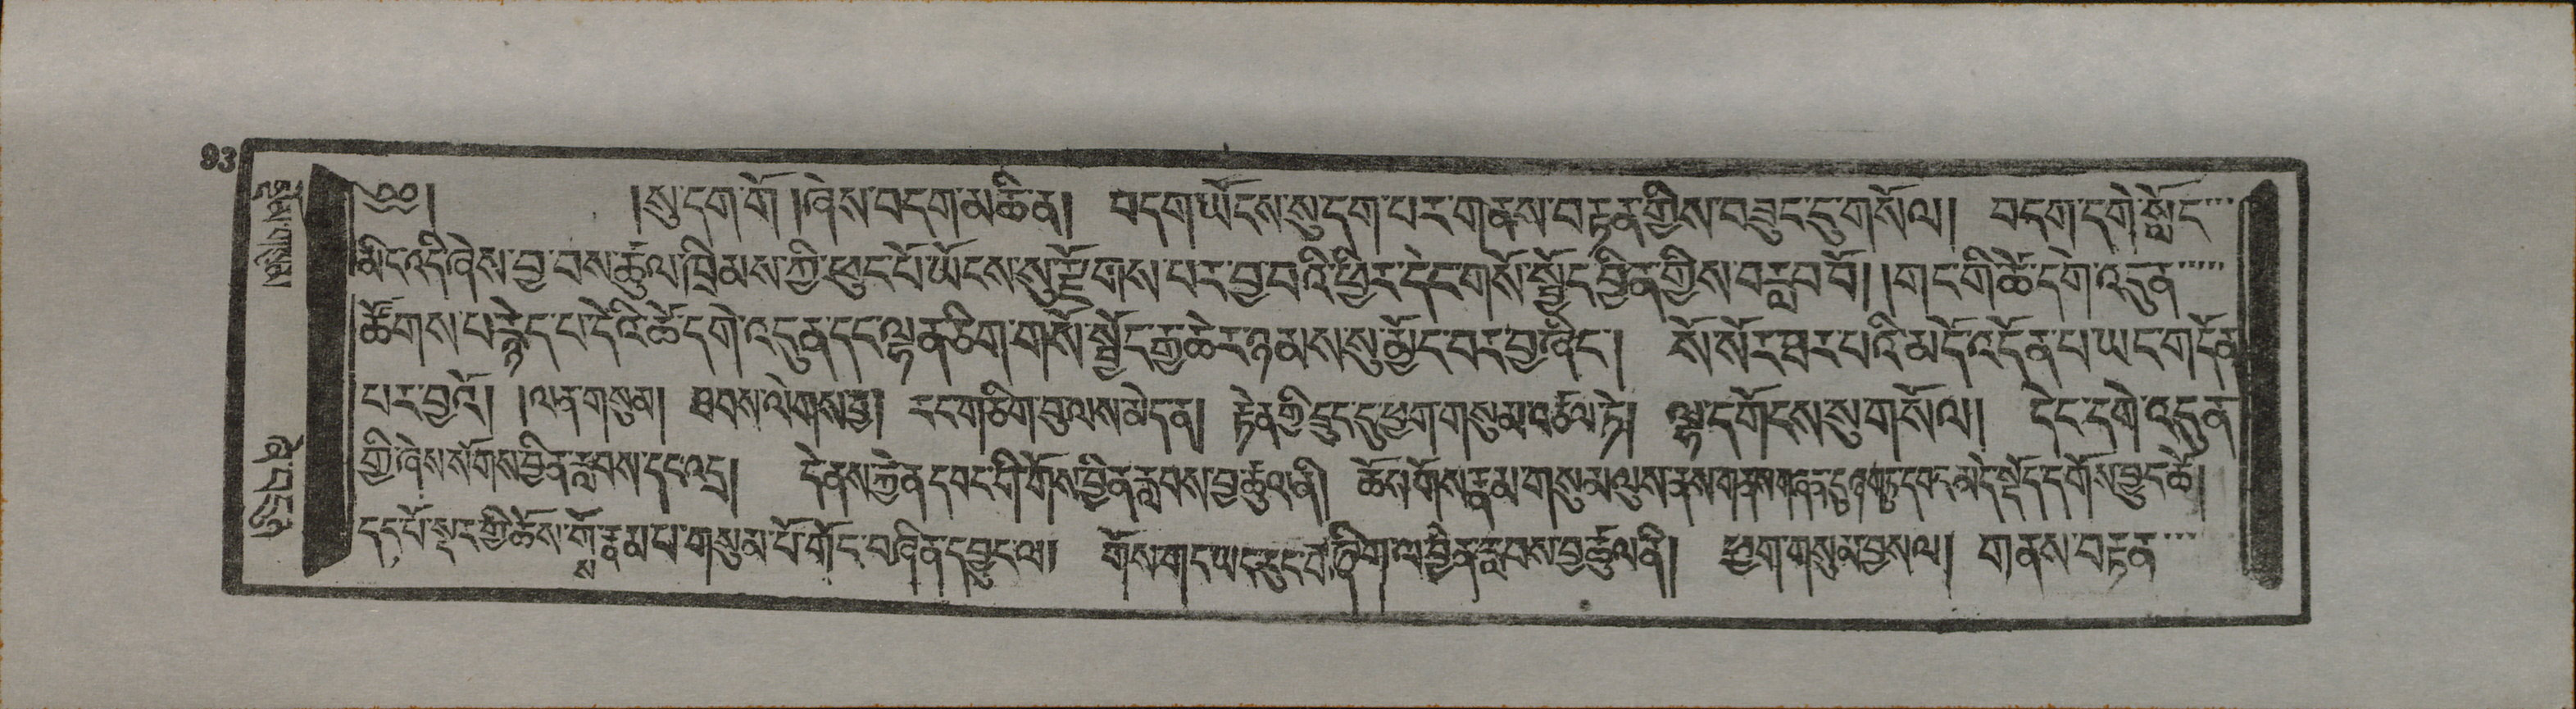༄༅། །སུ་དག་གོ །ཞེས་བདག་མཆི་ན། བདག་ཡོངས་སུ་དག་པར་གནས་བརྟན་གྱིས་བཟུང་དུ་གསོལ། བདག་དགེ་སློང་
མིང་འདི་ཞེས་བྱ་བས་ཚུལ་ཁྲིམས་ཀྱི་ཕུང་པོ་ཡོངས་སུ་རྫོགས་པར་བྱ་བའི་ཕྱིར་དེང་གསོ་སྦྱོང་བྱིན་གྱིས་བརླབ་བོ། །གང་གི་ཚེ་དགེ་འདུན་
ཚོགས་པ་རྙེད་པ་དེའི་ཚེ་དགེ་འདུན་དང་ལྷན་ཅིག་གསོ་སྦྱོང་རྒྱ་ཆེར་ཉམས་སུ་མྱོང་བར་བྱ་ཞིང་། སོ་སོར་ཐར་པའི་མདོ་འདོན་པ་ཡང་གདོན་
པར་བྱའོ། །ལན་གསུམ། ཐབས་ལེགས་བྱ། རང་གཅིག་བུ་ལས་མེད་ན། རྟེན་གྱི་དྲུང་དུ་ཕྱག་གསུམ་བཙལ་ཏེ།  ལྷ་དགོངས་སུ་གསོལ། དེང་དགེ་འདུན་
གྱི་ཞེས་སོགས་བྱིན་རླབས་དང་འདྲ། དེ་ནས་རྐྱེན་དབང་གི་གོས་བྱིན་རླབས་བྱ་ཚུལ་ནི། ཆོས་གོས་རྣམ་གསུམ་ལུས་ནས་གནས་གཞན་དུ་ཞག་ཏུ་དབང་མེད་སྡོད་དགོས་བྱུང་ཚེ།
དང་པོ་སྔར་གྱི་ཆོས་གོས་རྣམ་པ་གསུམ་པོ་གོང་བཞིན་དབྱུང་ལ། གོས་གང་ཡང་རུང་བ་ཞིག་ལ་བྱིན་རླབས་བྱ་ཚུལ་ནི། ཕྱག་གསུམ་བྱས་ལ། གནས་བརྟན་